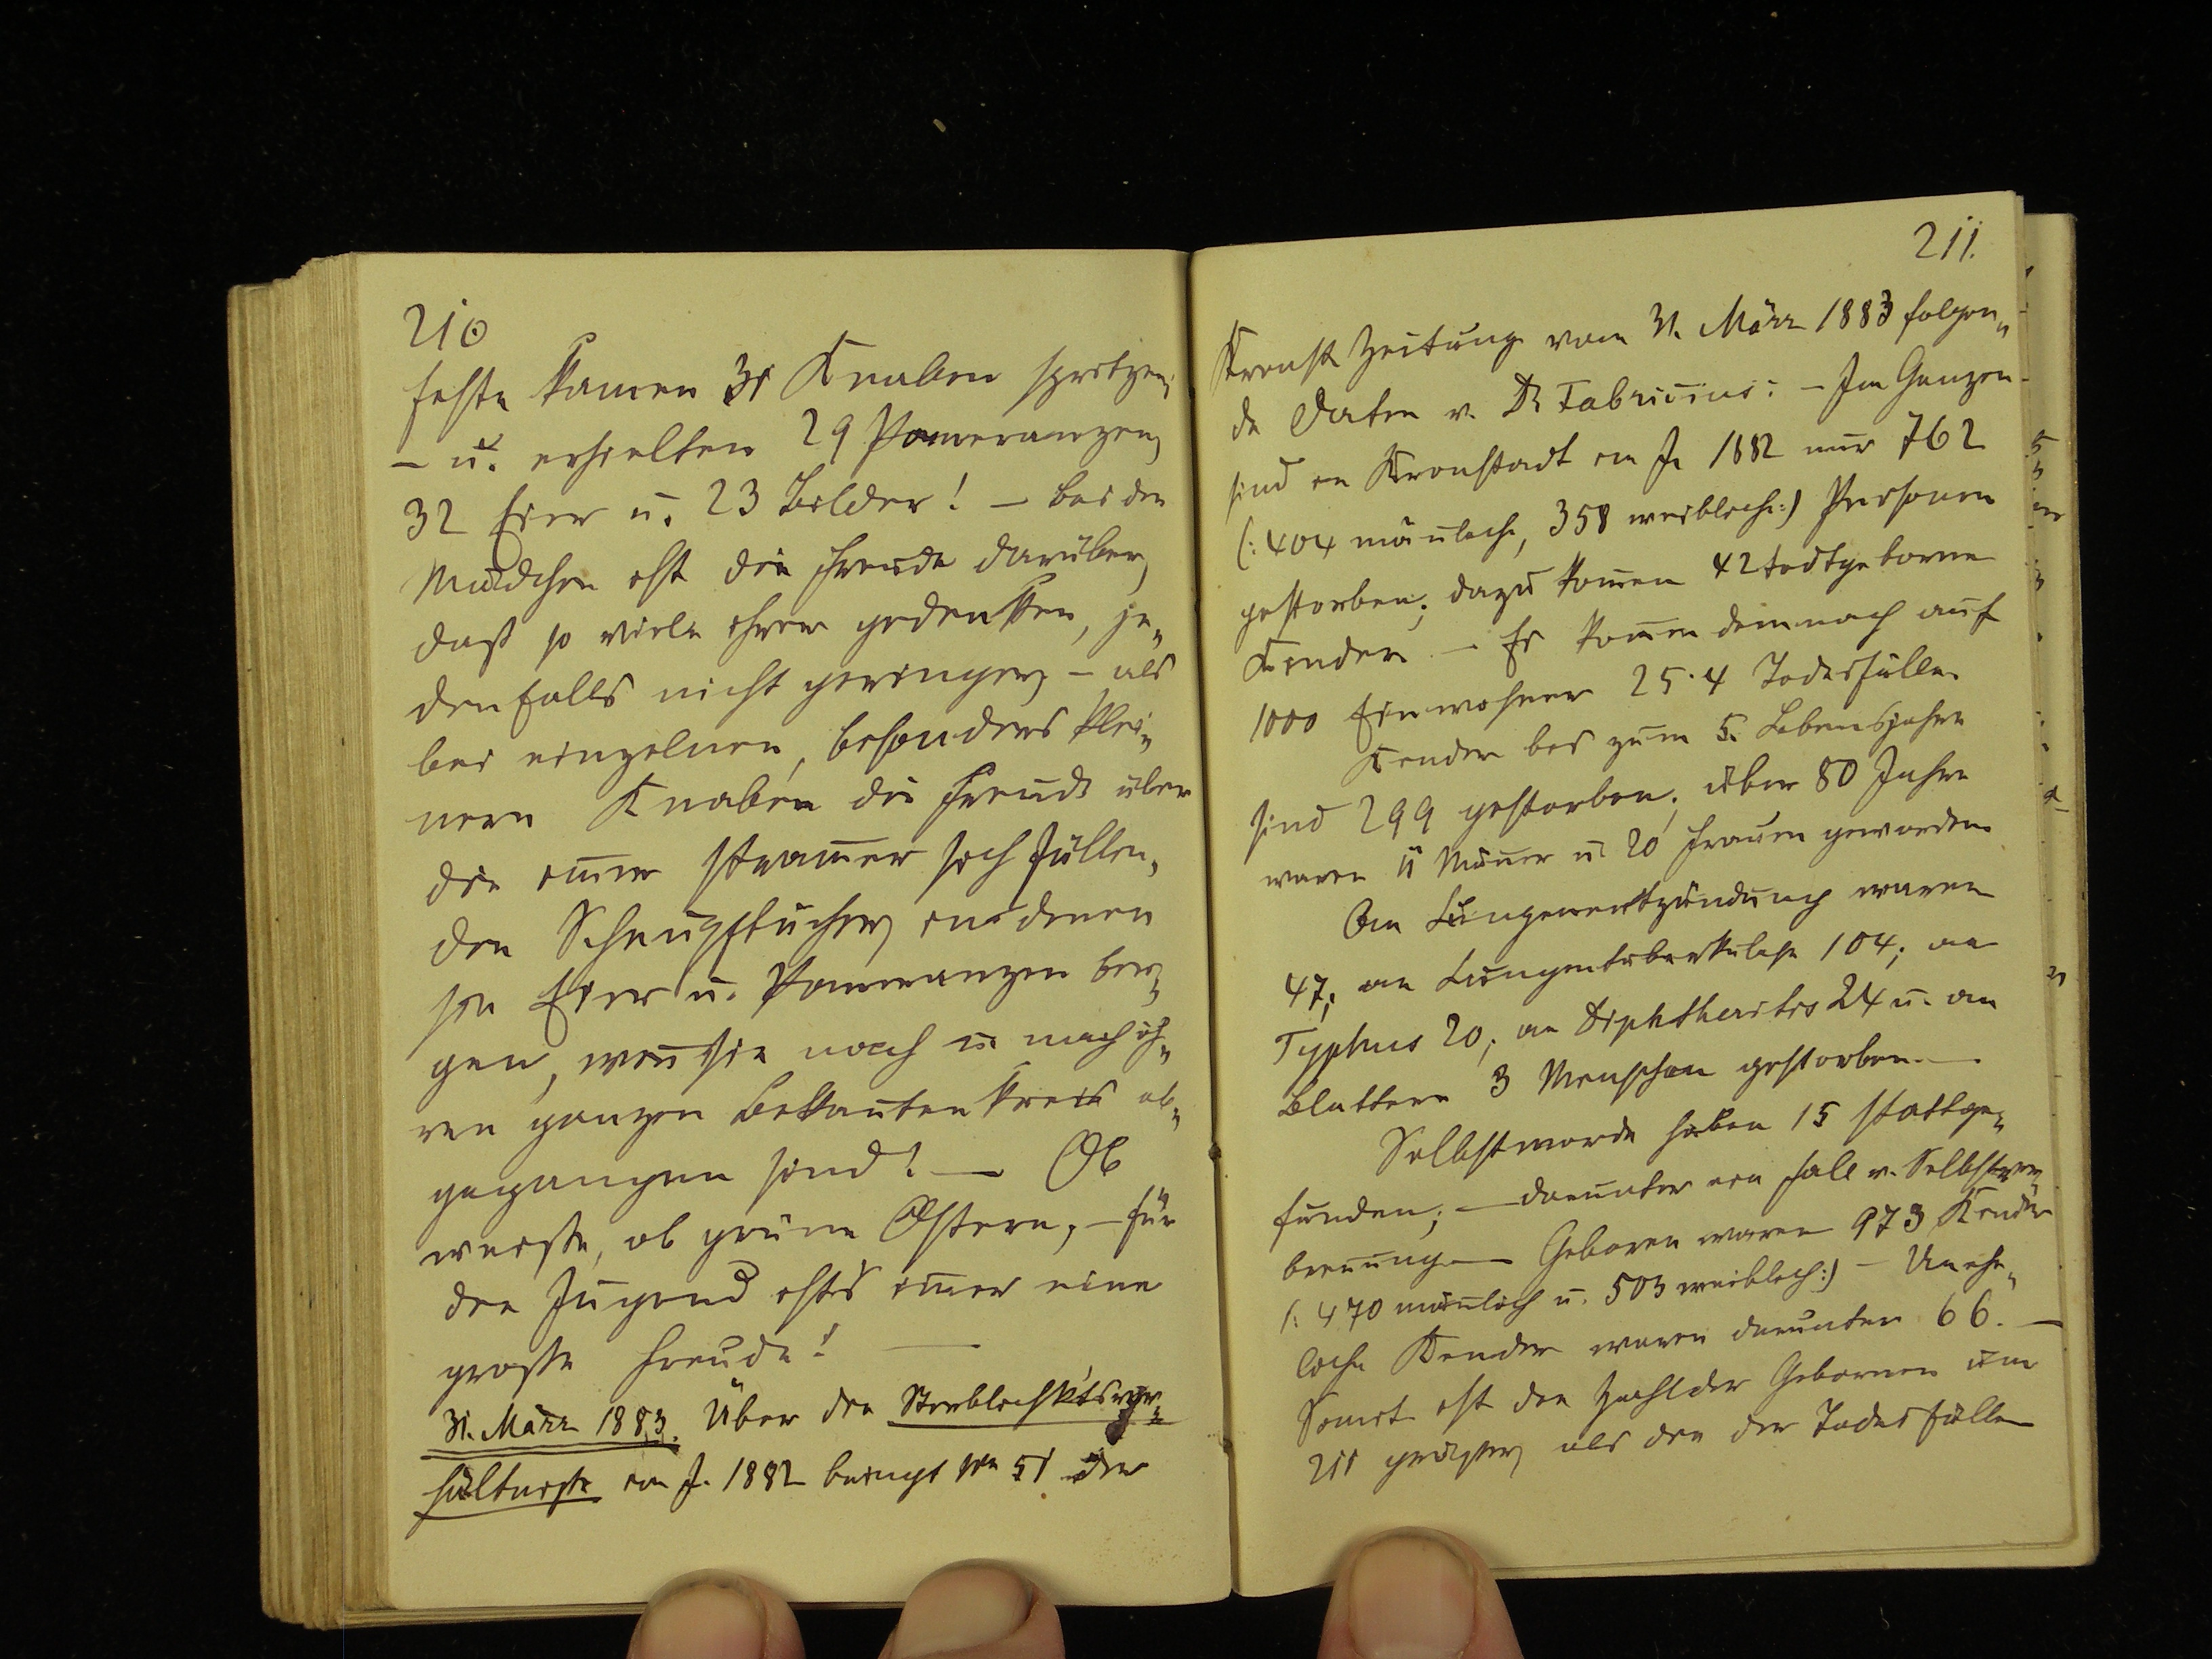210
feste kamen 31 Knaben spritzen
- und erhielten 29 Pommeranzen,
32 Eier und 23 Bilder!- Bei den
Mädchen ist die Freude darüber,
daß so viele ihrer gedenken, ja je¬
denfalls nicht geringer –als
bei einzelnen, besonders klei¬
nen Knabe die Freude über
die immer strammer sich füllen¬
den Schnupftücher, in denen
sie Eier und Pommeranzen ber¬
gen, wie sie nach und nach ih¬
ren ganzen Bekanntenkreis ab¬
gegangen sind.!—Ob
weiße oder grüne Ostern,- für
die Jugend ist es immer eine
große Freude !—
31. März 1883. Über die Sterblichkeitsver¬
hältniße im J. 1882 bringt Nr. 51 der
211
Kronstädter Zeitung vom 31. März 1883 folgen¬
de Daten von Dr. Fabricius:--Im Ganzen
sind in Kronstadt im Jahre 1882 nur 762
Personen ( : 404 männlich und 351 weiblich . )
gestorben. Dazu kommen 42 todtgeborene
Kinder.--. Er kommen demnach auf
1000 Einwohner 25.4 Todesfälle.
Kinder bis zum 5. Lebensjahr
sind 299 gestorben; über 80 Jahre
waren 11 Männer und 20 Frauen geworden .
An Lungenentzündung waren
47; an Lungentuberkulose 104; an
Typhus 20; Dyphteritis 24 und an
Blattern 3 Menschen gestorben.
Selbstmorde haben 15 stattge¬
funden;- -Darunter ein Fall von Selbstver¬
brennung. Geboren waren 973 Kinder
(: 470 männlich und 503 weiblich : ) - -Unehe¬
liche Kinder waren darunter 66.-
Somit ist die Zahl der geborenen um
211 größer als die der Todesfälle